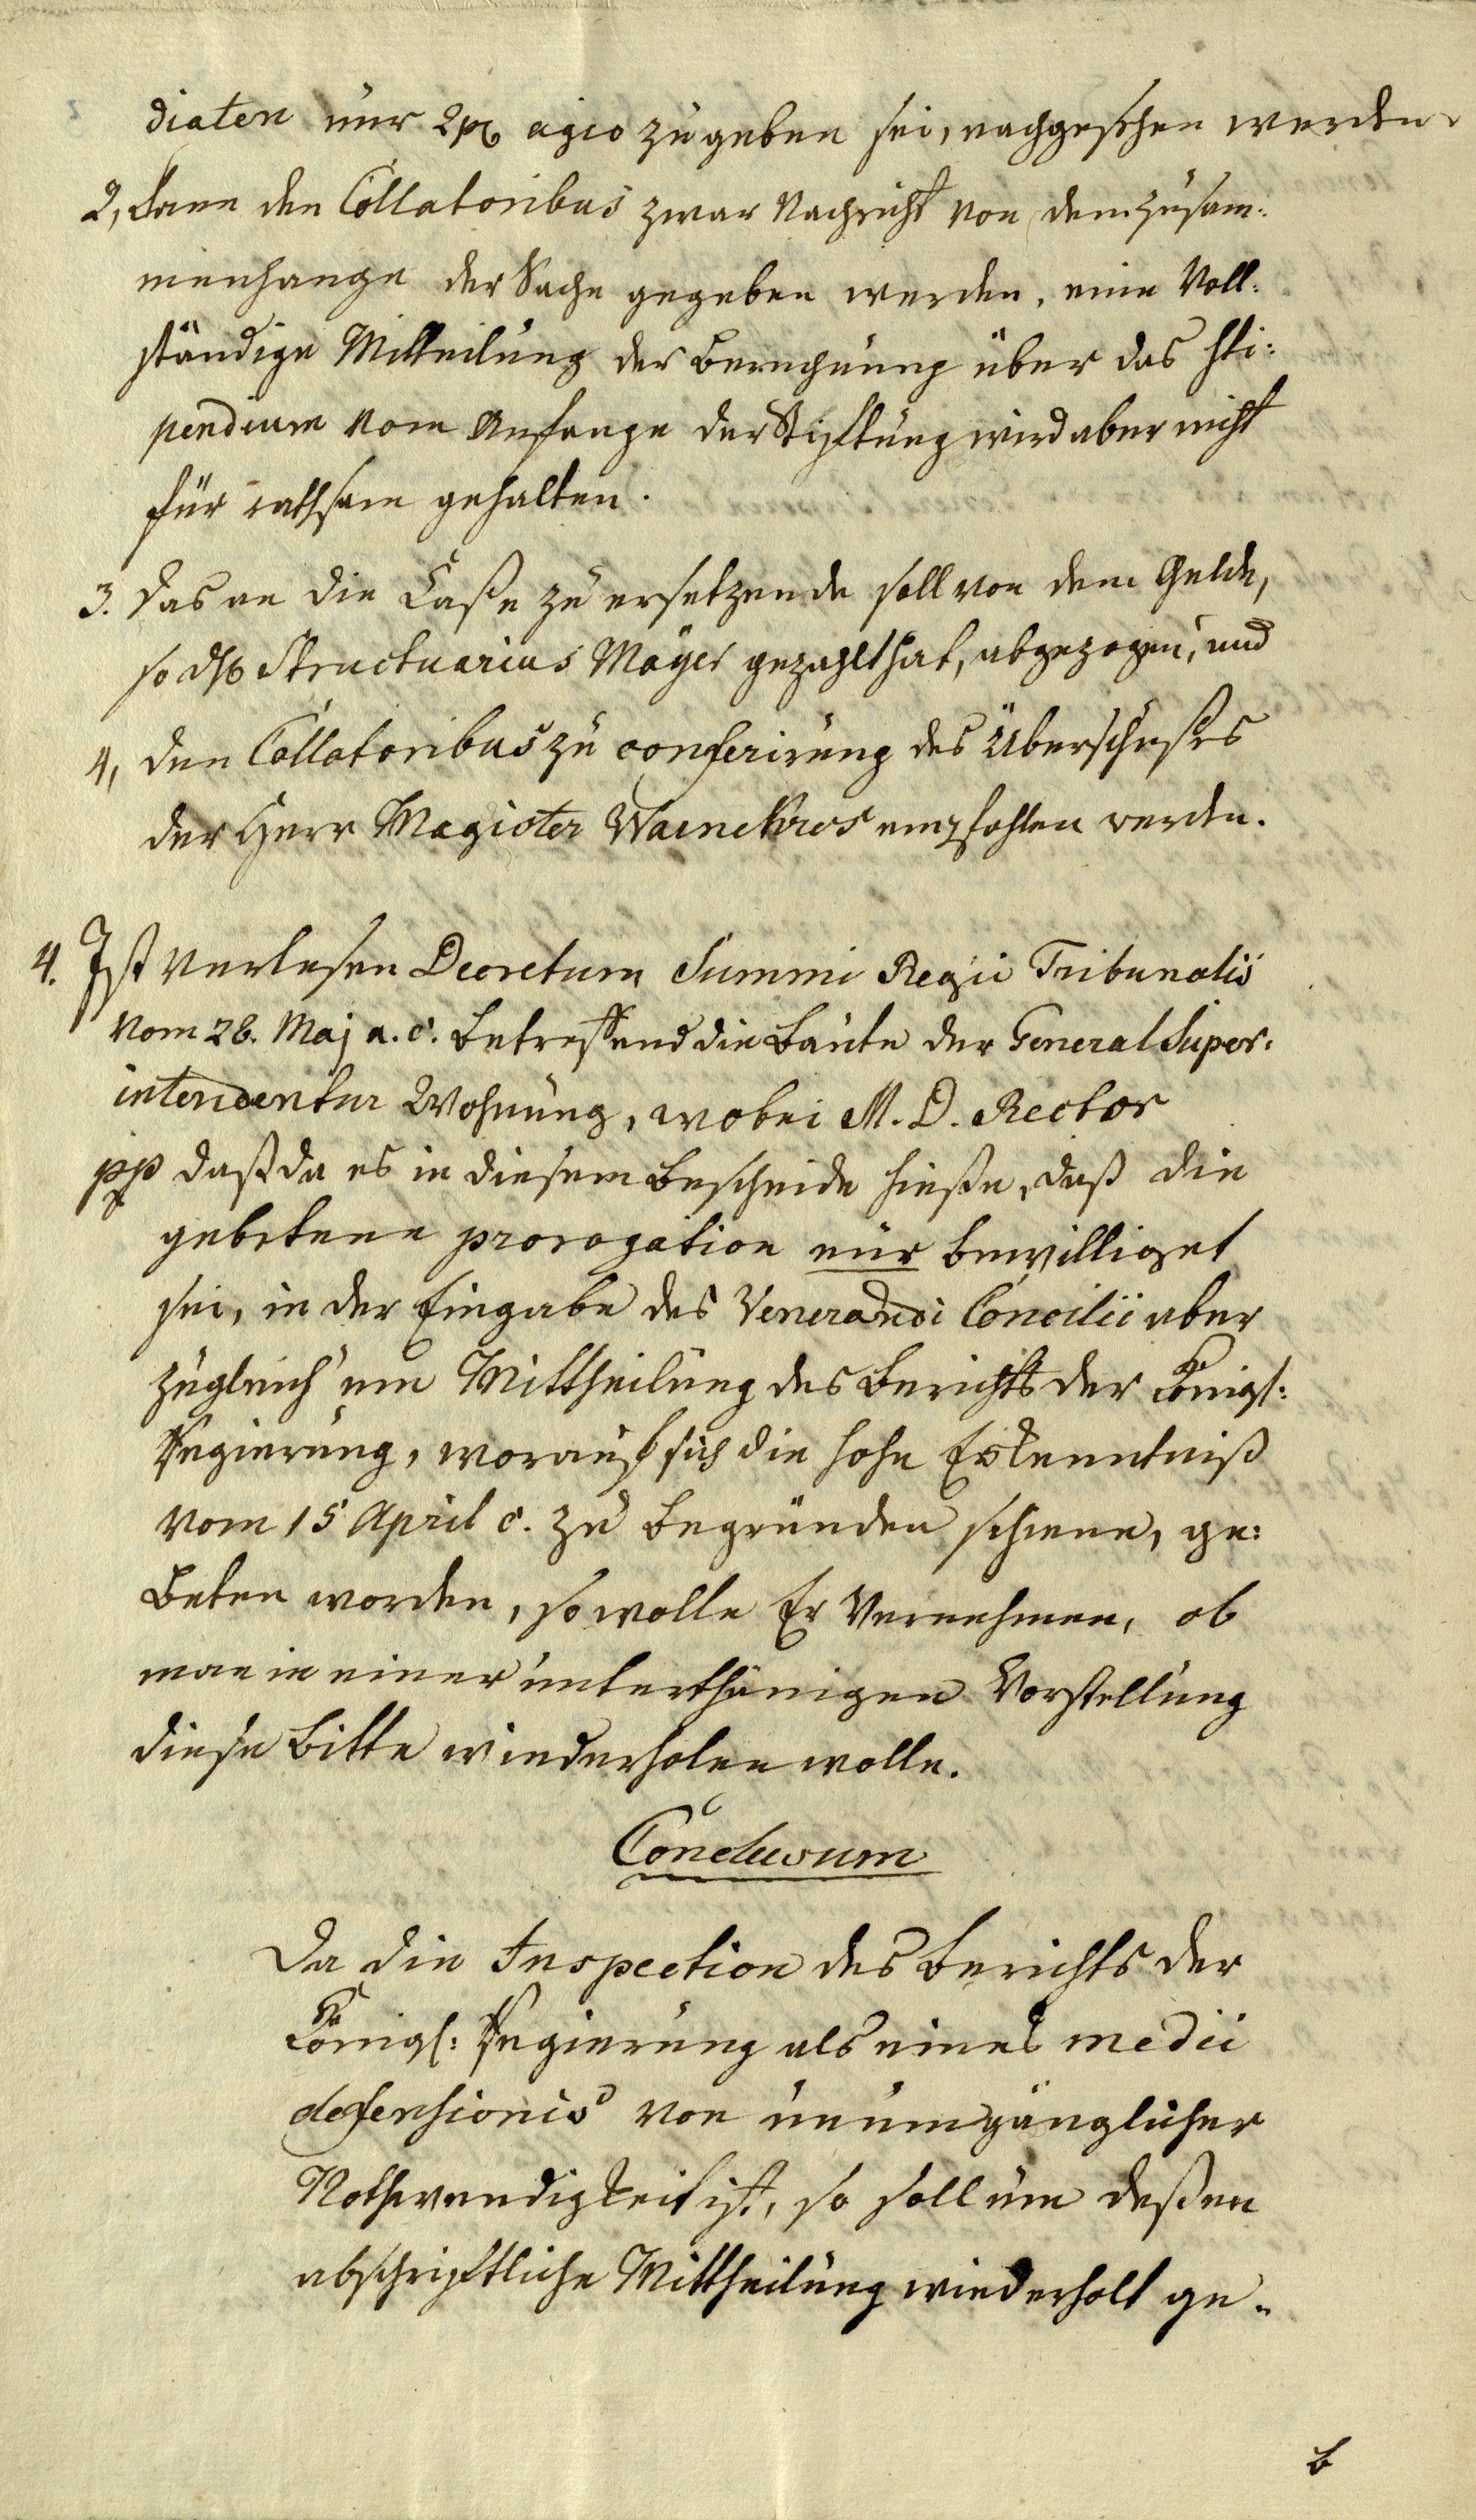diatennur 2 p. agio zu geben sei, nachgesehen werden.
2, dann den Collatoribus zwar Nachricht von dem Zusam¬
menhange der Sache gegeben werden, eine voll¬
ständige Mitteilung der Berechnung über das sti¬
pendium vom Anfange der Stiftung wird aber nicht
für rathsam gehalten.
3. das an die Caße zu ersetzende soll von dem Gelde,
so dh Structuarius Maÿer gezahlt hat, abgezogen, und
4, den Collatoribus zu conferirung des Überschußes
der Herr Magister Warnekros empfohlen werden..
4. Ist verlesen Decretum Summi Regii Tribunalis
vom 28. Maj a. c. betreffend die Baute der GeneralSuper¬
intendentur Wohnung, wobei M. D. rector
pp daß da es in diesem Bescheide hieße, daß die
gebetene prorogation nur bewilliget
sei, in der Eingabe des Venerandi Concilii aber
zugleich um Mittheilung des Berichts der Königl.
Regierung, worauf sich die hohe Erkenntniß
vom 15 April c. zu begründen schiene, ge¬
beten worden, so wolle Er vernehmen, ob
man in einer unterthänigen Vorstellung
dies Bitte wiederholen wolle.
Conclusum
da die Inspection des Berichts der
Königl. Regierung als eines medii
defensionis von unumgänglicher
Nothwendigkeit ist, so soll um deßen
abschriftliche Mittheilung wiederholt ge¬